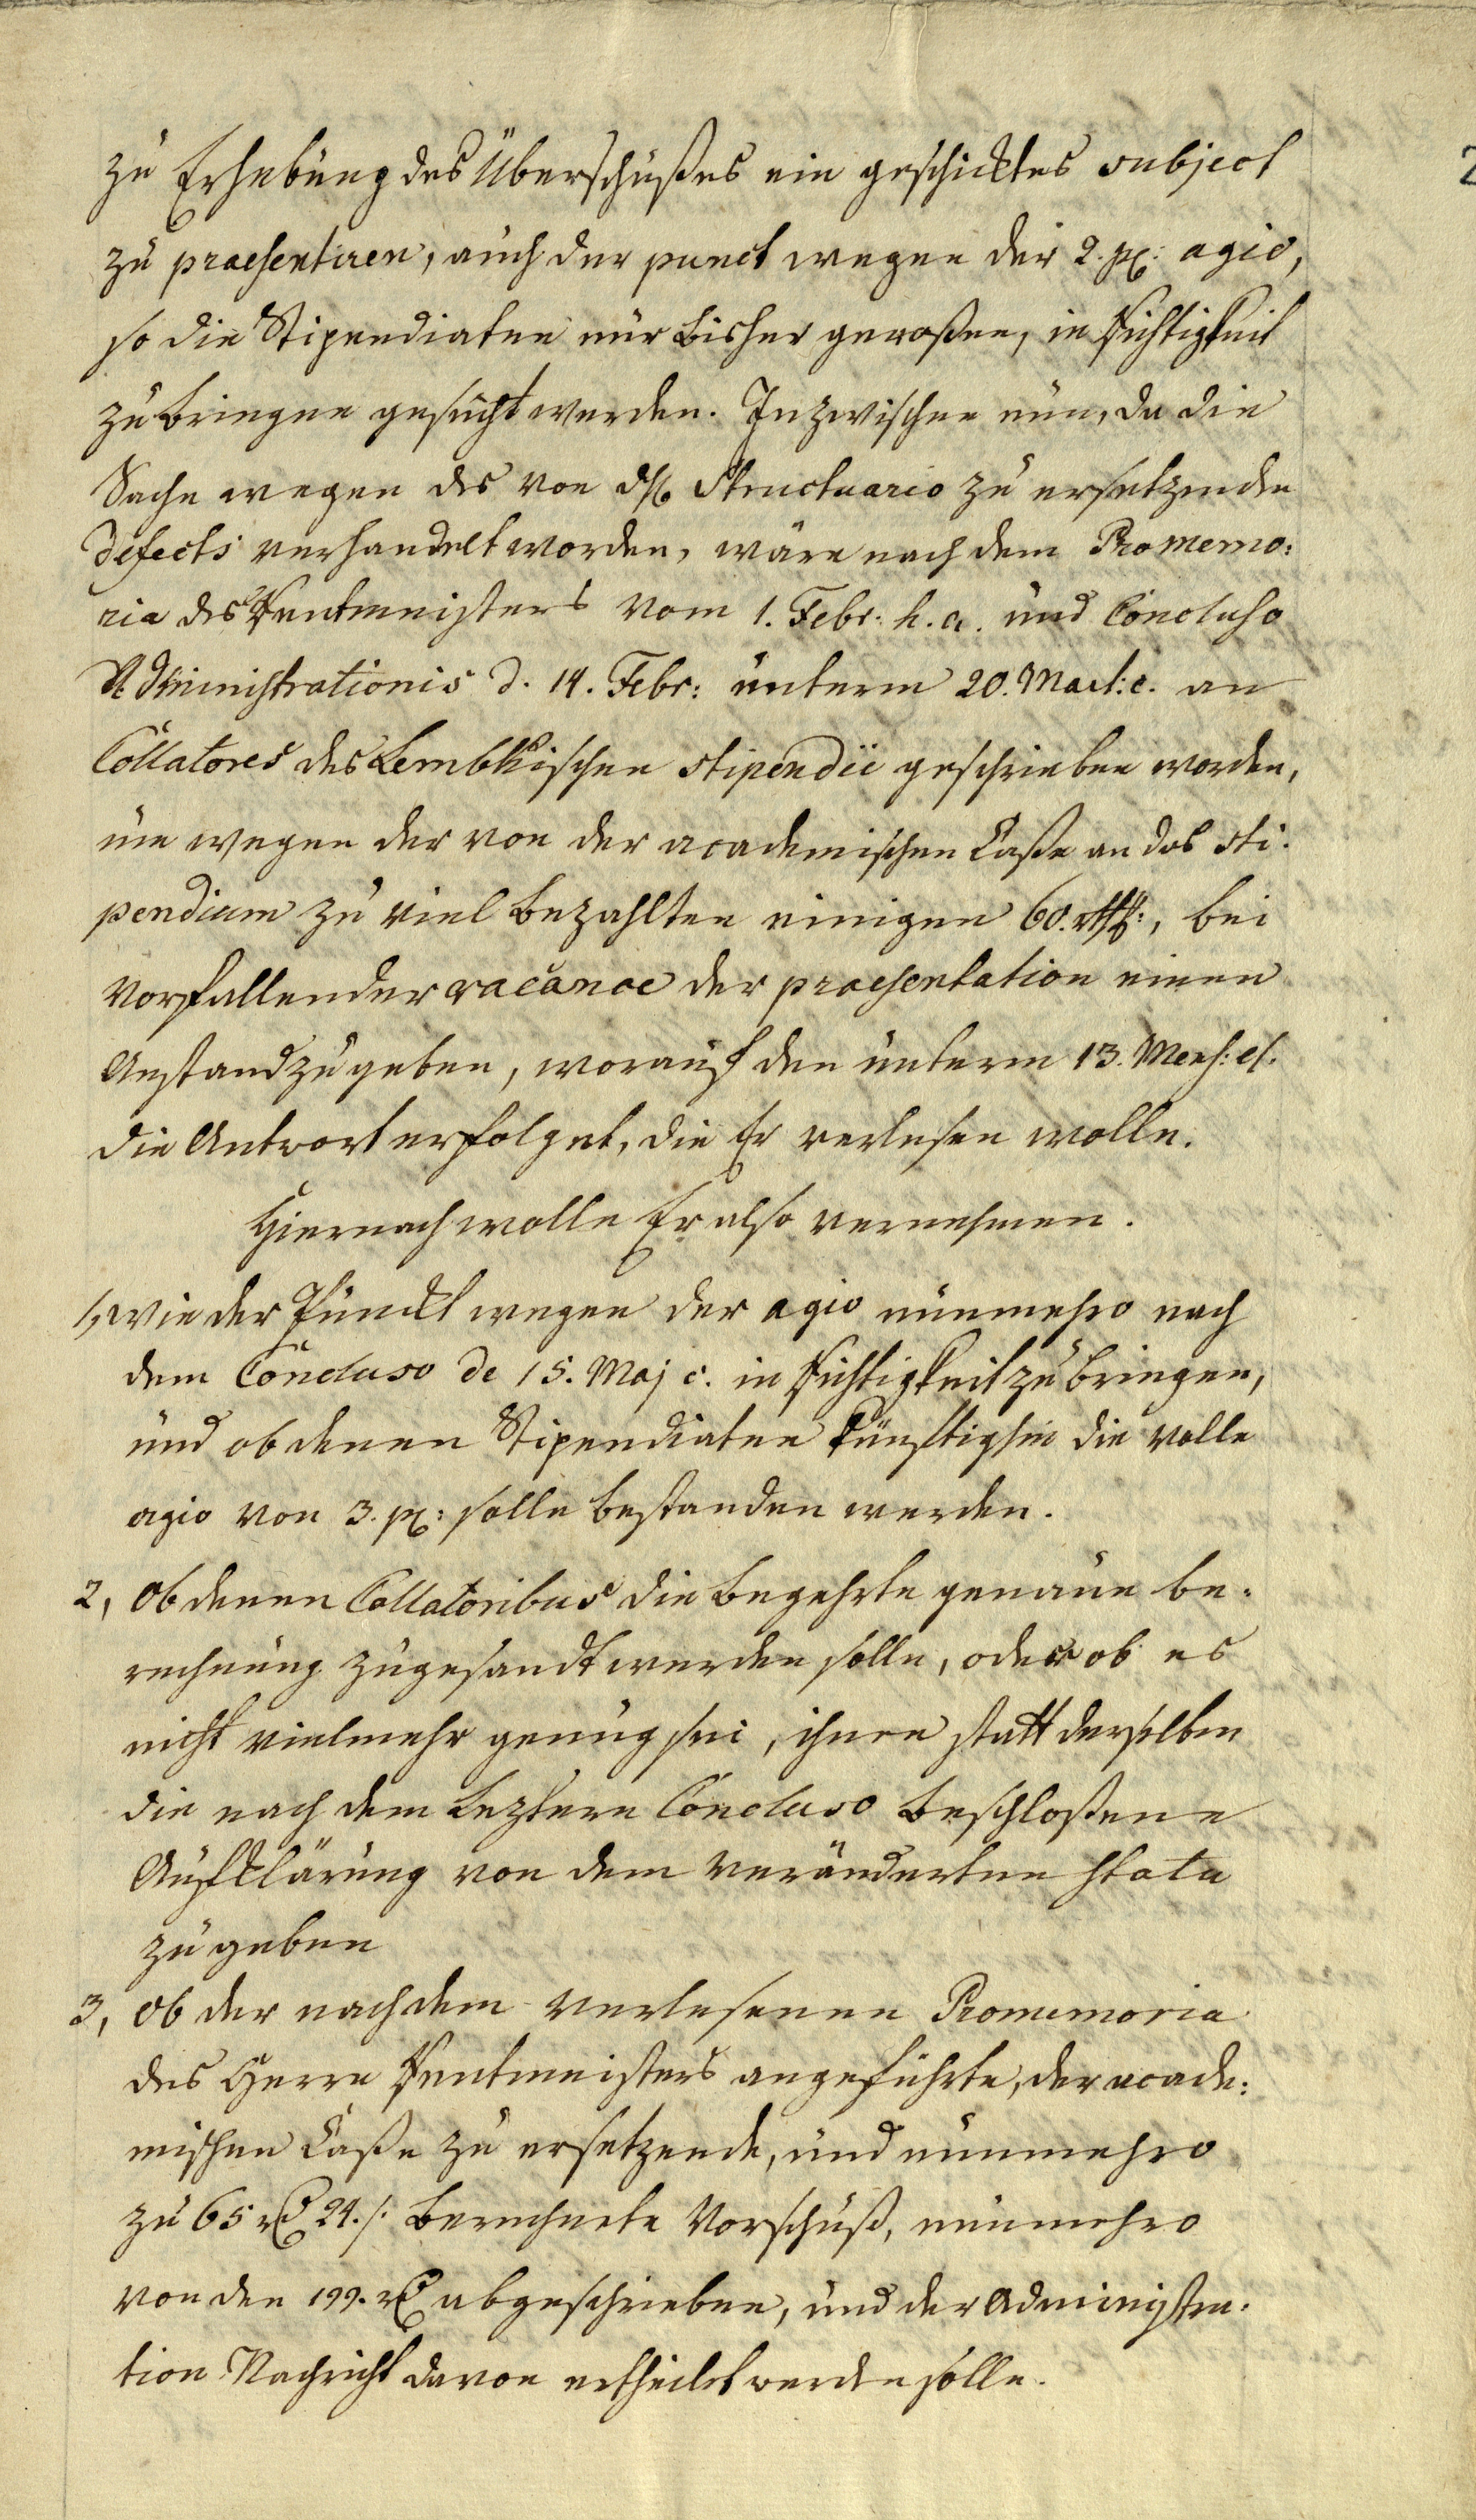zu Erhebung des Überschußes ein geschicktes subject
zu praesentiren, auch der punct wegen der 2.p.: agio,
so die Stipendiaten nur bisher genoßen, in Richtigkeit
zu bringen gesucht werden. Inzwischen nun, da die
Sache wegen der von dH Structuario zu ersetzenden
defects verhandelt worden, wäre nach dem Promemo¬
ria des Rentmeisters vom 1. Febr. h. a. und Concluso
S. Administrationis d. 14. Febr. unterm 20. Mart. e. an
Collatores des Lembkischen stipendii geschrieben worden,
um wegen der von der academischen Caße an das sti¬
pendium zu viel bezahlten einigen 60 rth., bei
vorfallender vacance der praesentation einen
Anstand zu geben, worauf den unterm 13. Mens. e.
die Antwort erfolget, die Er verlesen wolle.
Hiernach wolle Er also vernehmen:
1, wie der Punckt wegen der agio nunmehro nach
dem Concluso de 15. Maj e. in Richtigkeit zu bringen,
und ob denen Stipendiaten künftighin die volle
agio von 3. p. solle bestanden werden.
2, ob denen Collatoribus die begehrte genaue Be¬
rechnung zugesandt werden solte, oder ob es
nicht vielmehr genug sei, ihnen statt derselben
die nach dem leztere Concluso beschloßene
Aufklärung von dem veränderten statu
zu geben.
3, ob der nachdem verlesenen Promemoria
des Herrn Rentmeisters angeführte, der acade¬
mischen Caße zu ersetzende, und nunmehro
zu 65 r. 24. s. berechnete Vorschuß, nunmehro
von den 199 r. abgeschrieben, und der Administra¬
tion Nachricht davon ertheilet werden solle.